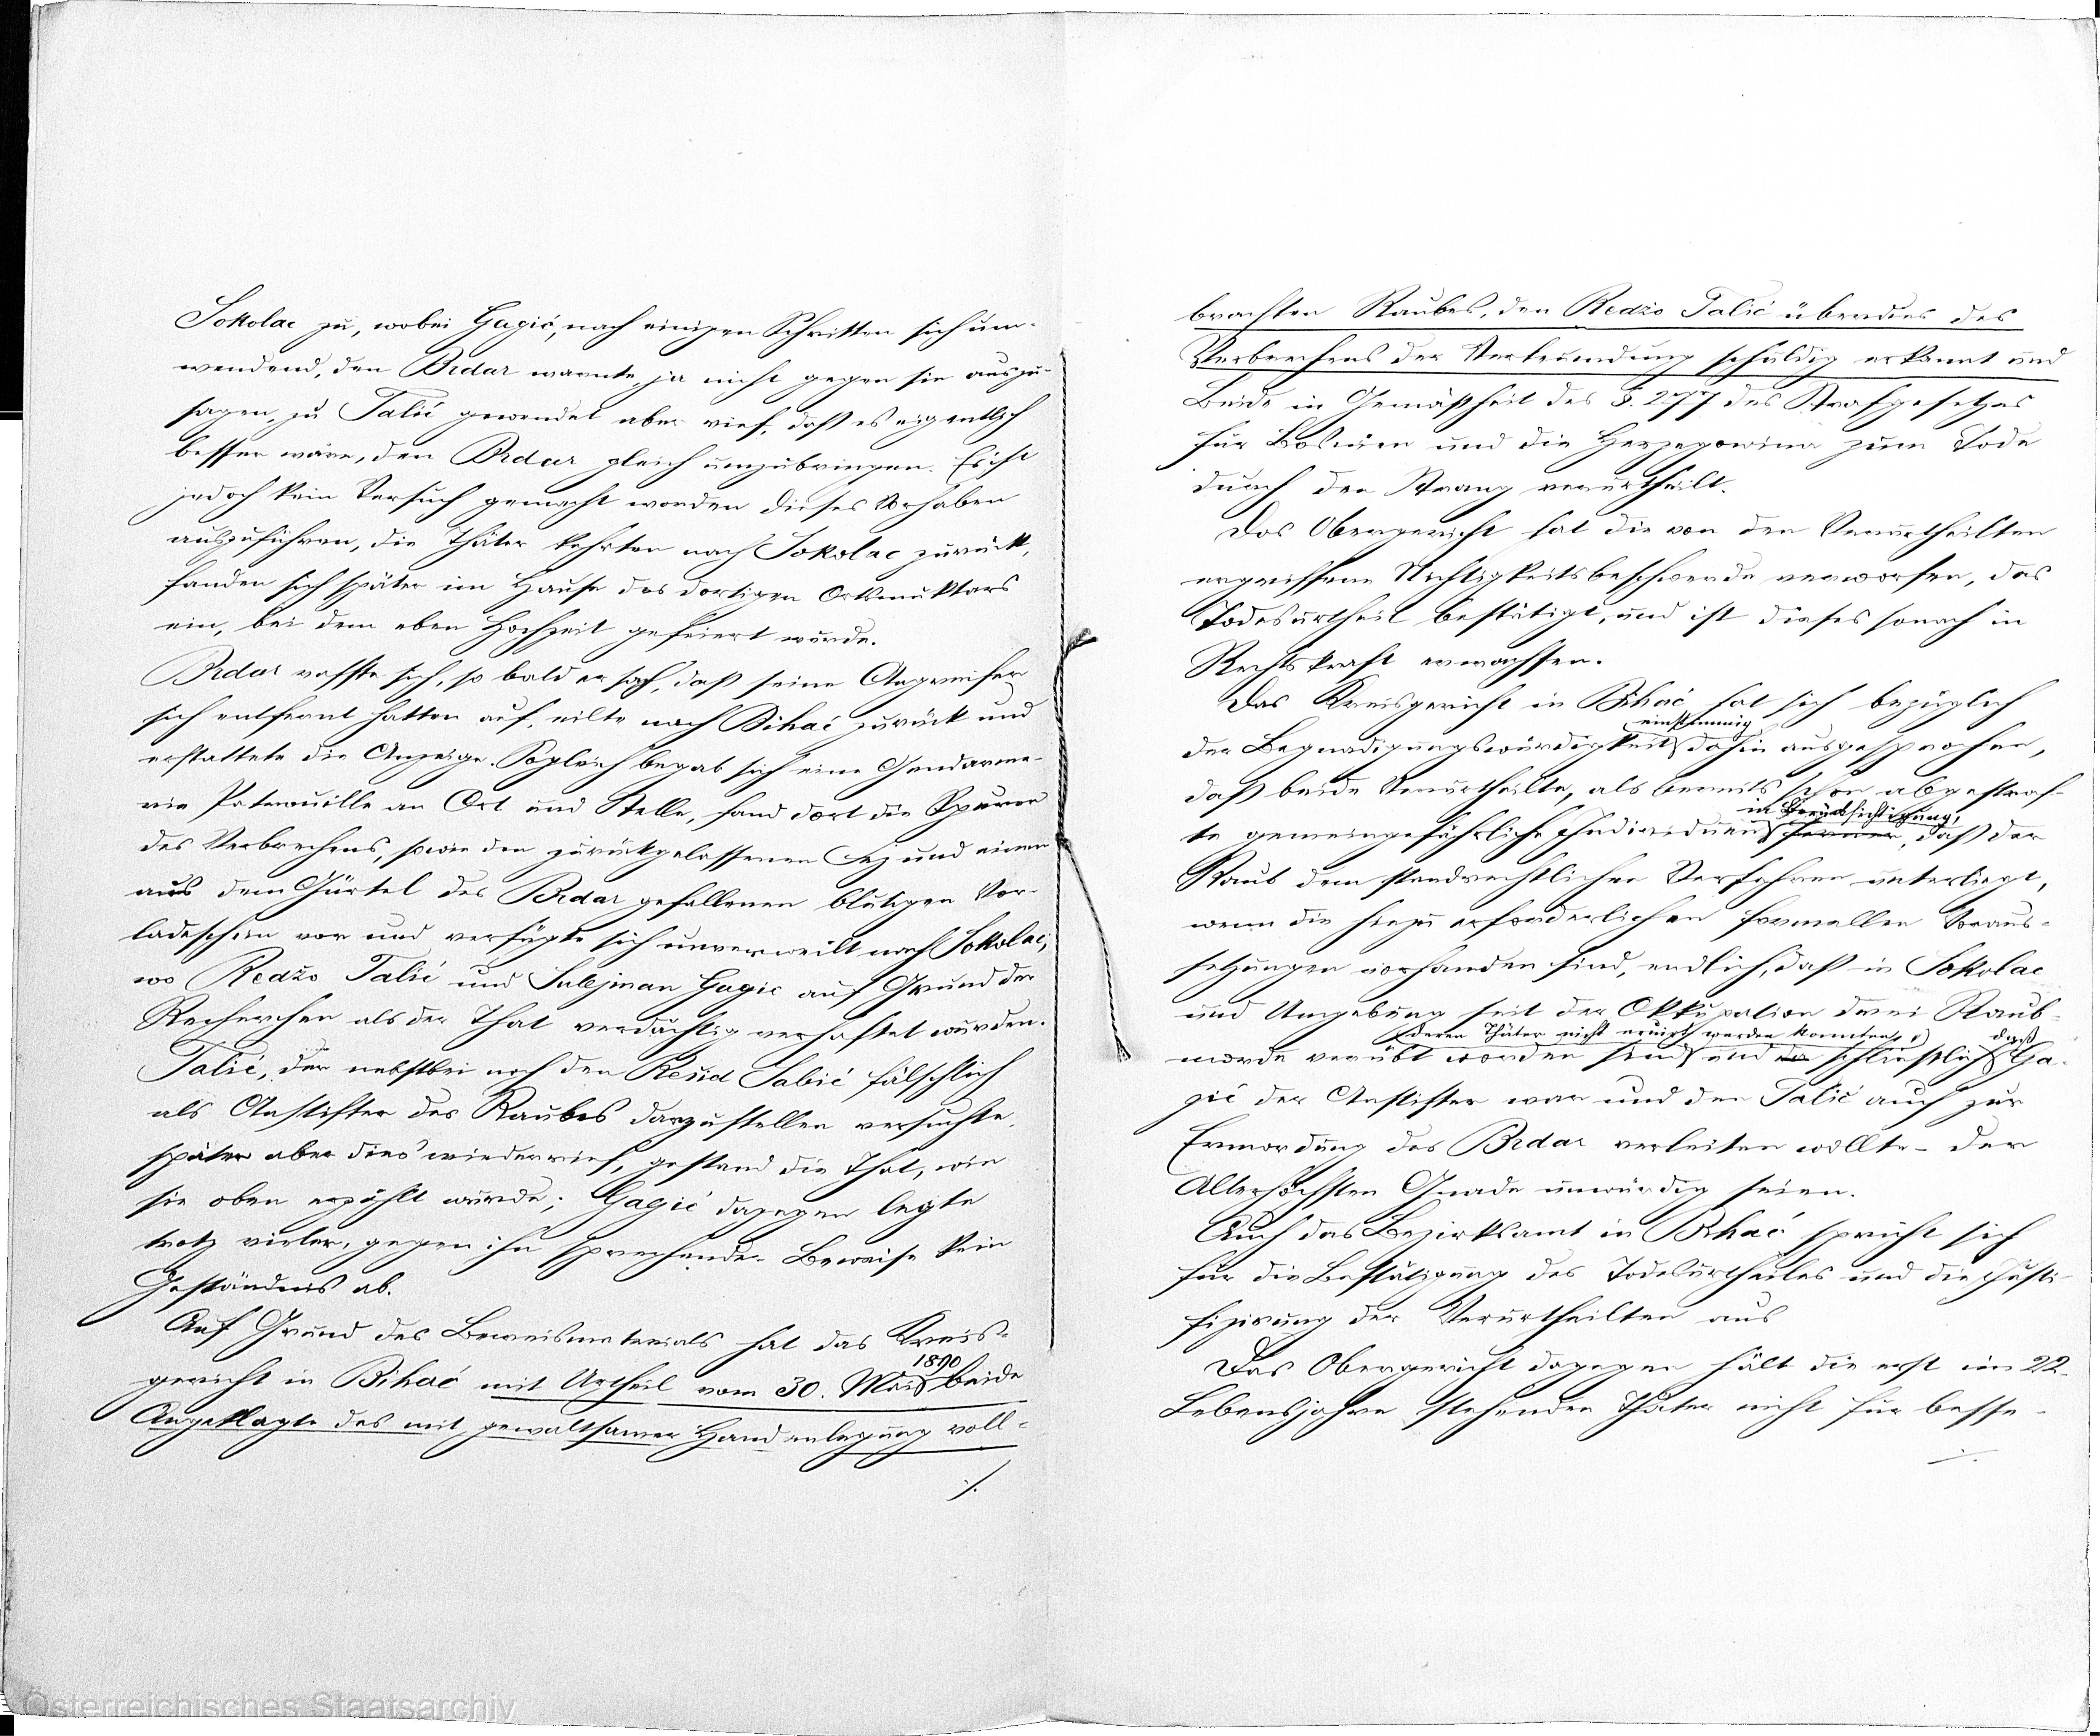Sokolac zu, wobei Hagić, nach einigen Schritten sich um¬
wendend, den Brdar warnte, ja nicht gegen sie auszu¬
sagen, zu Talić gewendet aber vieh, daß es eigentlich
besser meine, den Brdar gleich umzubringen. Es ist
jedoch kein Versuch gewacht worden dieses Vorhaben
auszuführen, die Thäter kehrten nach Sokolac zurück,
fanden sich später im Hause des dortigen Ortmuktars
ein, bei dem eben Hochzeit gefeiert wurde.
Brdar vaxxte sich, so bald er sah, daß seine Angreifer
sich entfernt hatten auf, eilte nach Bihać zurück und
erstattete die Anzeige. Pogleich begab sich eine Gendarme¬
rie Patrouille an Ort und Stelle, fand Dort die Spuren
des Verbrechens, sowie den zurückgelassenen Fez und einen
aus dem Gürtel des Brdar gefallenen blutigen Vor¬
ladschein vor und verfügte sich unverweilt nach Sokolac,
wo Redžo Talić und Sulejman Gogic auf Grund der
Recherchen als der That verdächtig verhaftet wurden.
Talić, der nebstbei noch den Rešid Sabić fälschlich
als Anstifter des Raubes darzustellen versuchte
später aber dies wiederrief, gestand die That, wie
sie oben erzählt wurde; Gagić dagegen legte
trotz vieler, gegen ihn sprechende. Beweise kein
Geständnis ab.
Auf Grund des Beweismaterials hat das Kreis¬
1890
gericht in Bihać mit Urtheil vom 30. Mai beide
Angeklagte des mit gewaltsamer Handanlegung voll¬
brachten Raubes, den Redžo Talić überdies des
Verbrechens der Verleumdung schuldig erkannt und
Beide in Gemäßheit des §. 277 des Strafgesetzes
für Boswien und die Herzegowina zum Tode
durch den Strang verurtheilt.
Das Obergericht hat die von den Verurtheilten
ergriffene Nichtigkeitsbeschwerde verworfen, das
Todesurtheil bestätigt, und ist dieses sonach in
Rechtskraft erwachsen.
Das Kreisgericht in Bihać hat sich bezüglich
einstimmig
der Benadigungswürdigkeit dahin ausgesprochen,
daß beide Verurtheilte, als bereits schon abgestraf¬
in Berücksichtigung
te gemeingefährliche Individuen, daß der
Taub dem standrechtlicher Verfahren unterliegt,
wenn die hiezu erforderlichen formellen Voraus¬
setzungen vorhanden sind, endlich, daß in Sokolac
und Umgebung seit der Okkupation drei Raub¬
deren Thäter nicht eruirt werden konnten
daß
morde verübt von den und schließlich Ga¬
gić der Anstifter war und den Talić auch zur
Ermordung des Brdar verleiten wollte-der
Allerhöchsten Gnade unwürdig seien.
Auch das Bezirksamt in Bhać spricht sich
für die Bestätigung des Todesurtheiles und die Justi¬
fizirung der Verutheilten aus
Das Obergericht dagegen hält die erst im 22
Lebensjahre stehenden Thäter nicht für besse-